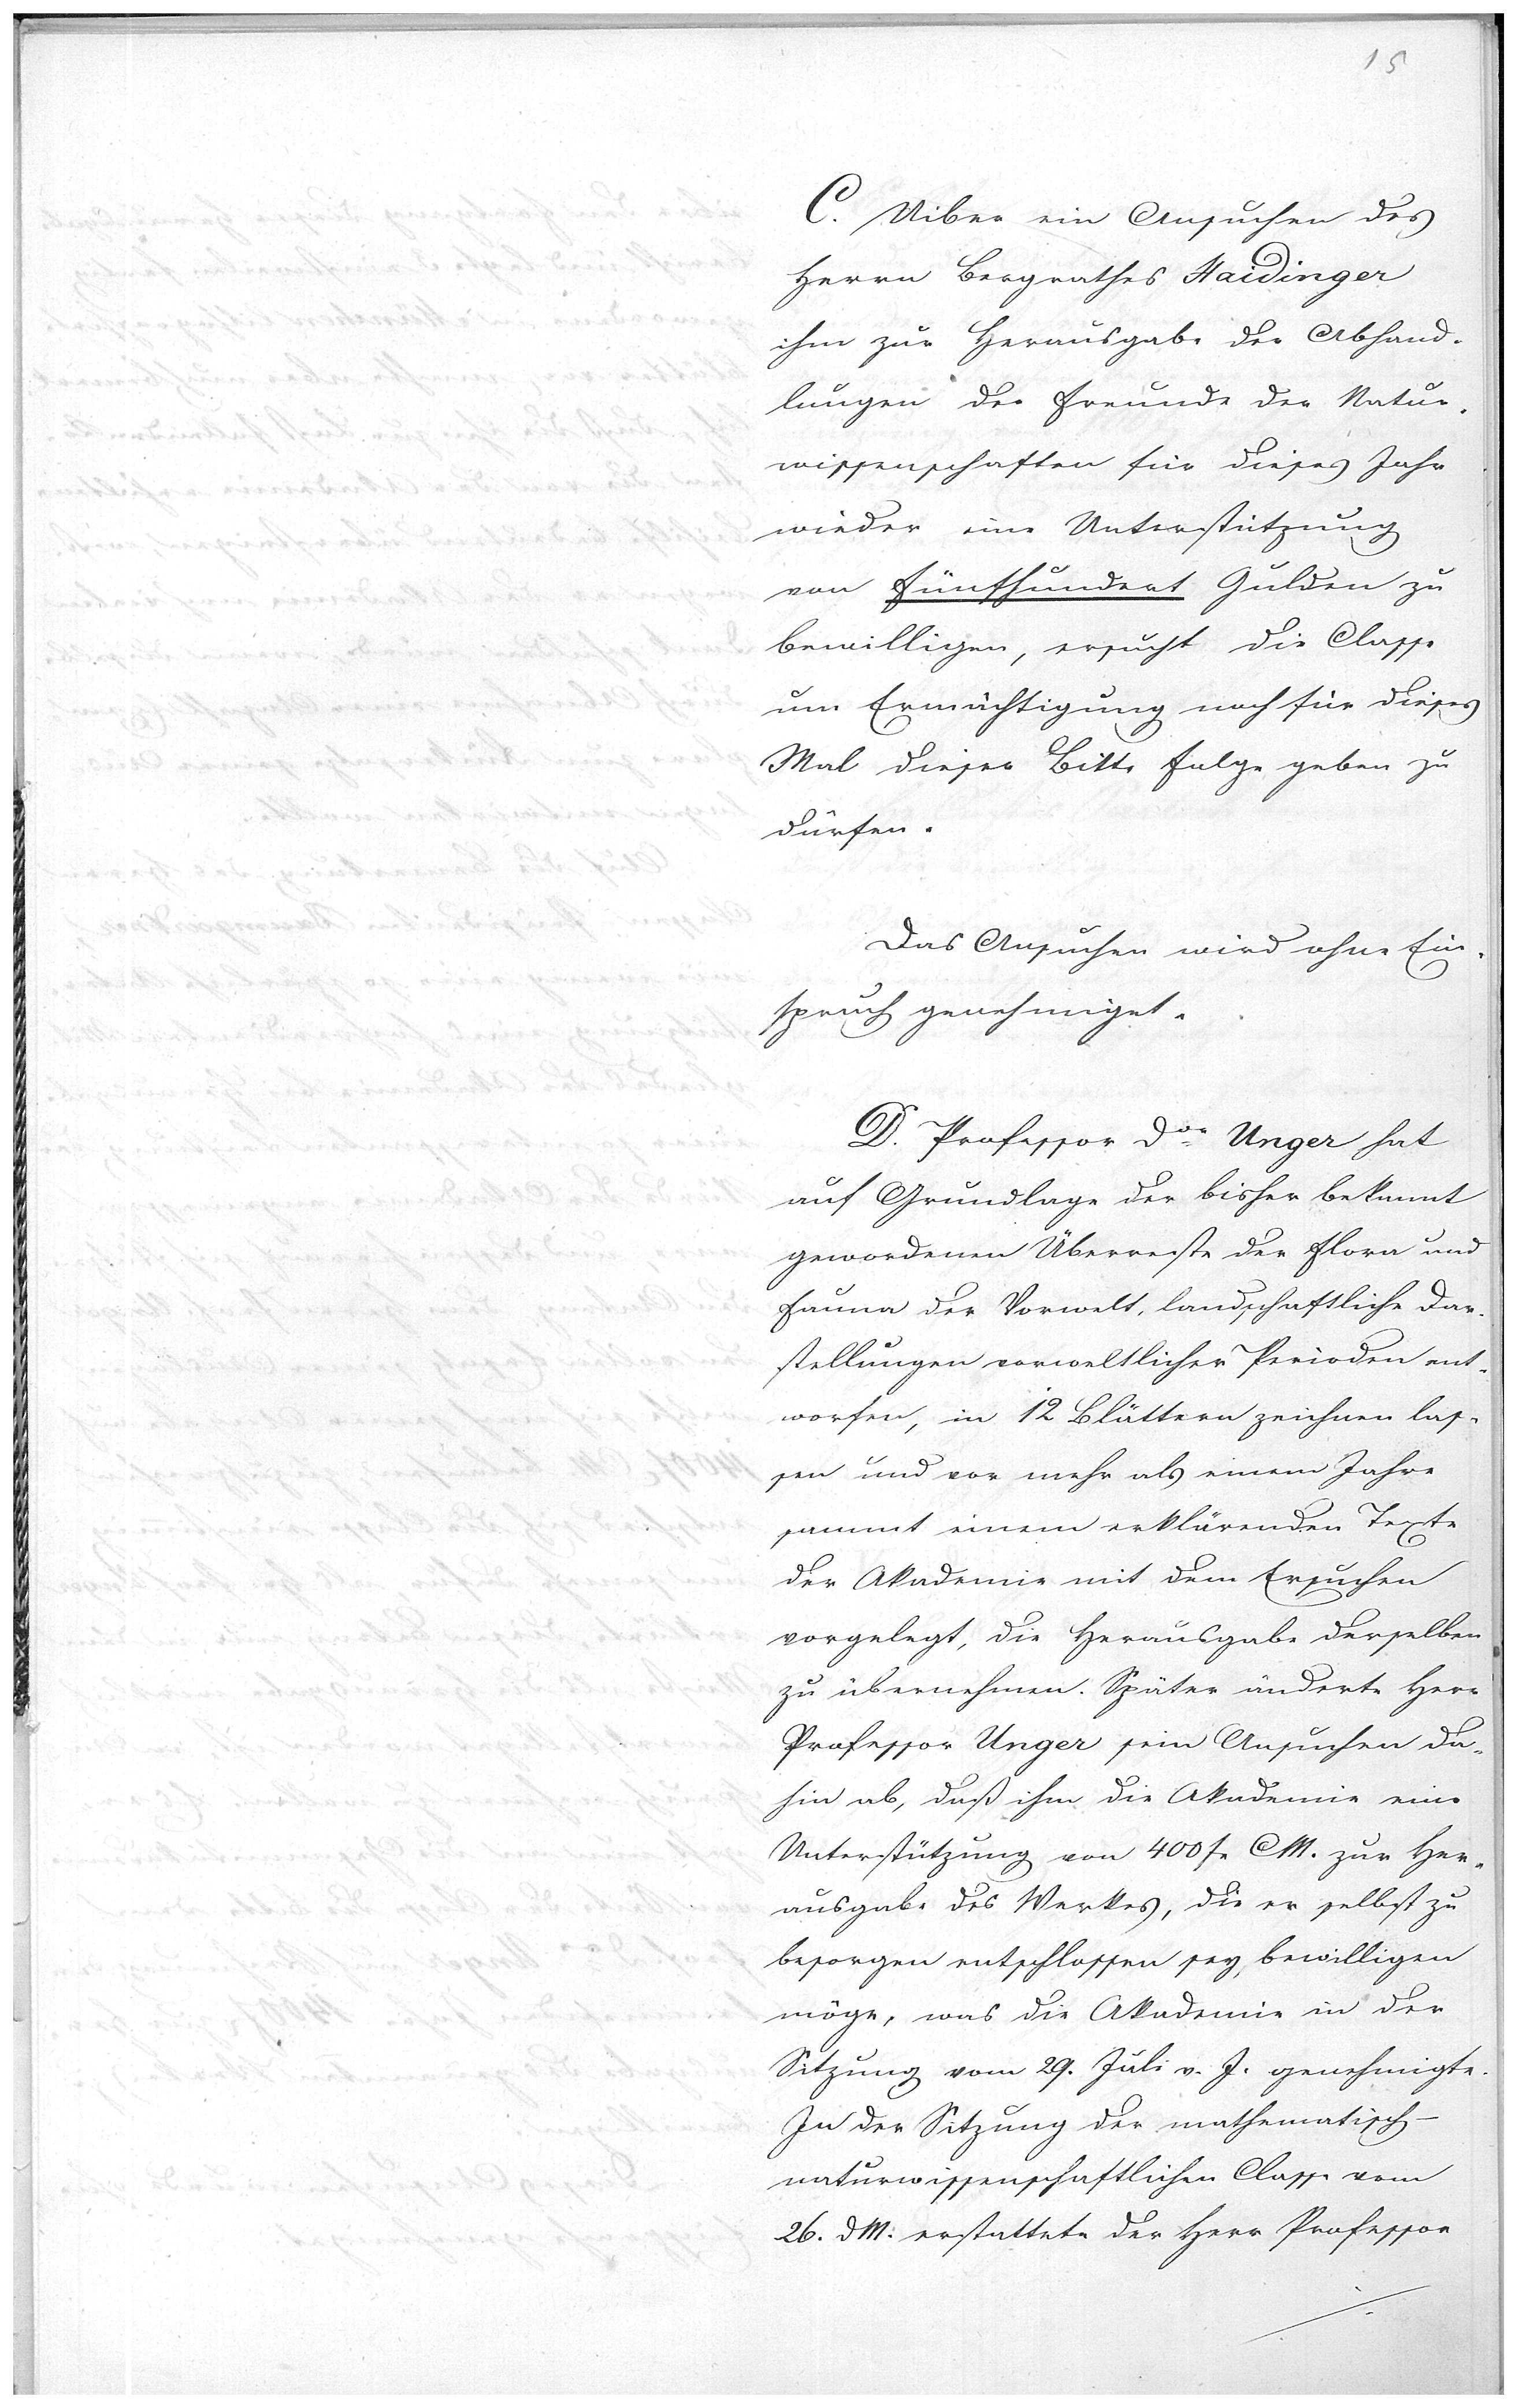C. Uiber ein Ansuchen des
Herrn Bergrathes Haidinger
ihm zur Herausgabe der Abhand-
lungen der Freunde der Natur-
wissenschaften für dieses Jahr
wieder eine Unterstützung
von Fünfhundert Gulden zu
bewilligen, ersucht die Classe
um Ermächtigung noch für dieses
Mal dieser Bitte Folge geben zu
dürfen.
das Ansuchen wird ohne Ein-
sprach genehmiget.
D. Professor Dor Unger hat
auf Grundlage der bisher bekannt
gewordenen Überreste der Flora und
Fauna der Vorwelt, landschaftliche Dar-
stellungen vorweltlicher Perioden ent-
worfen, in 12 Blättern zeichnen las-
sen und vor mehr als einem Jahre
sammt einem erklärenden Texte
der Akademie mit dem Ersuchen
vorgelegt, die Herausgabe derselben
zu übernehmen. Später änderte Herr
Professor Unger sein Ansuchen da-
hin ab, daß ihm die Akademie eine
Unterstützung von 400 fl CM zur Her-
ausgabe des Werkes, die er selbst zu
besorgen entschlossen sey, bewilligen
möge, was die Akademie in der
Sitzung vom 29. Juli v. J. genehmigte.
In der Sitzung der mathematisch-
naturwissenschaftlichen Classe vom
26. dM. erstattete der Herr Professor